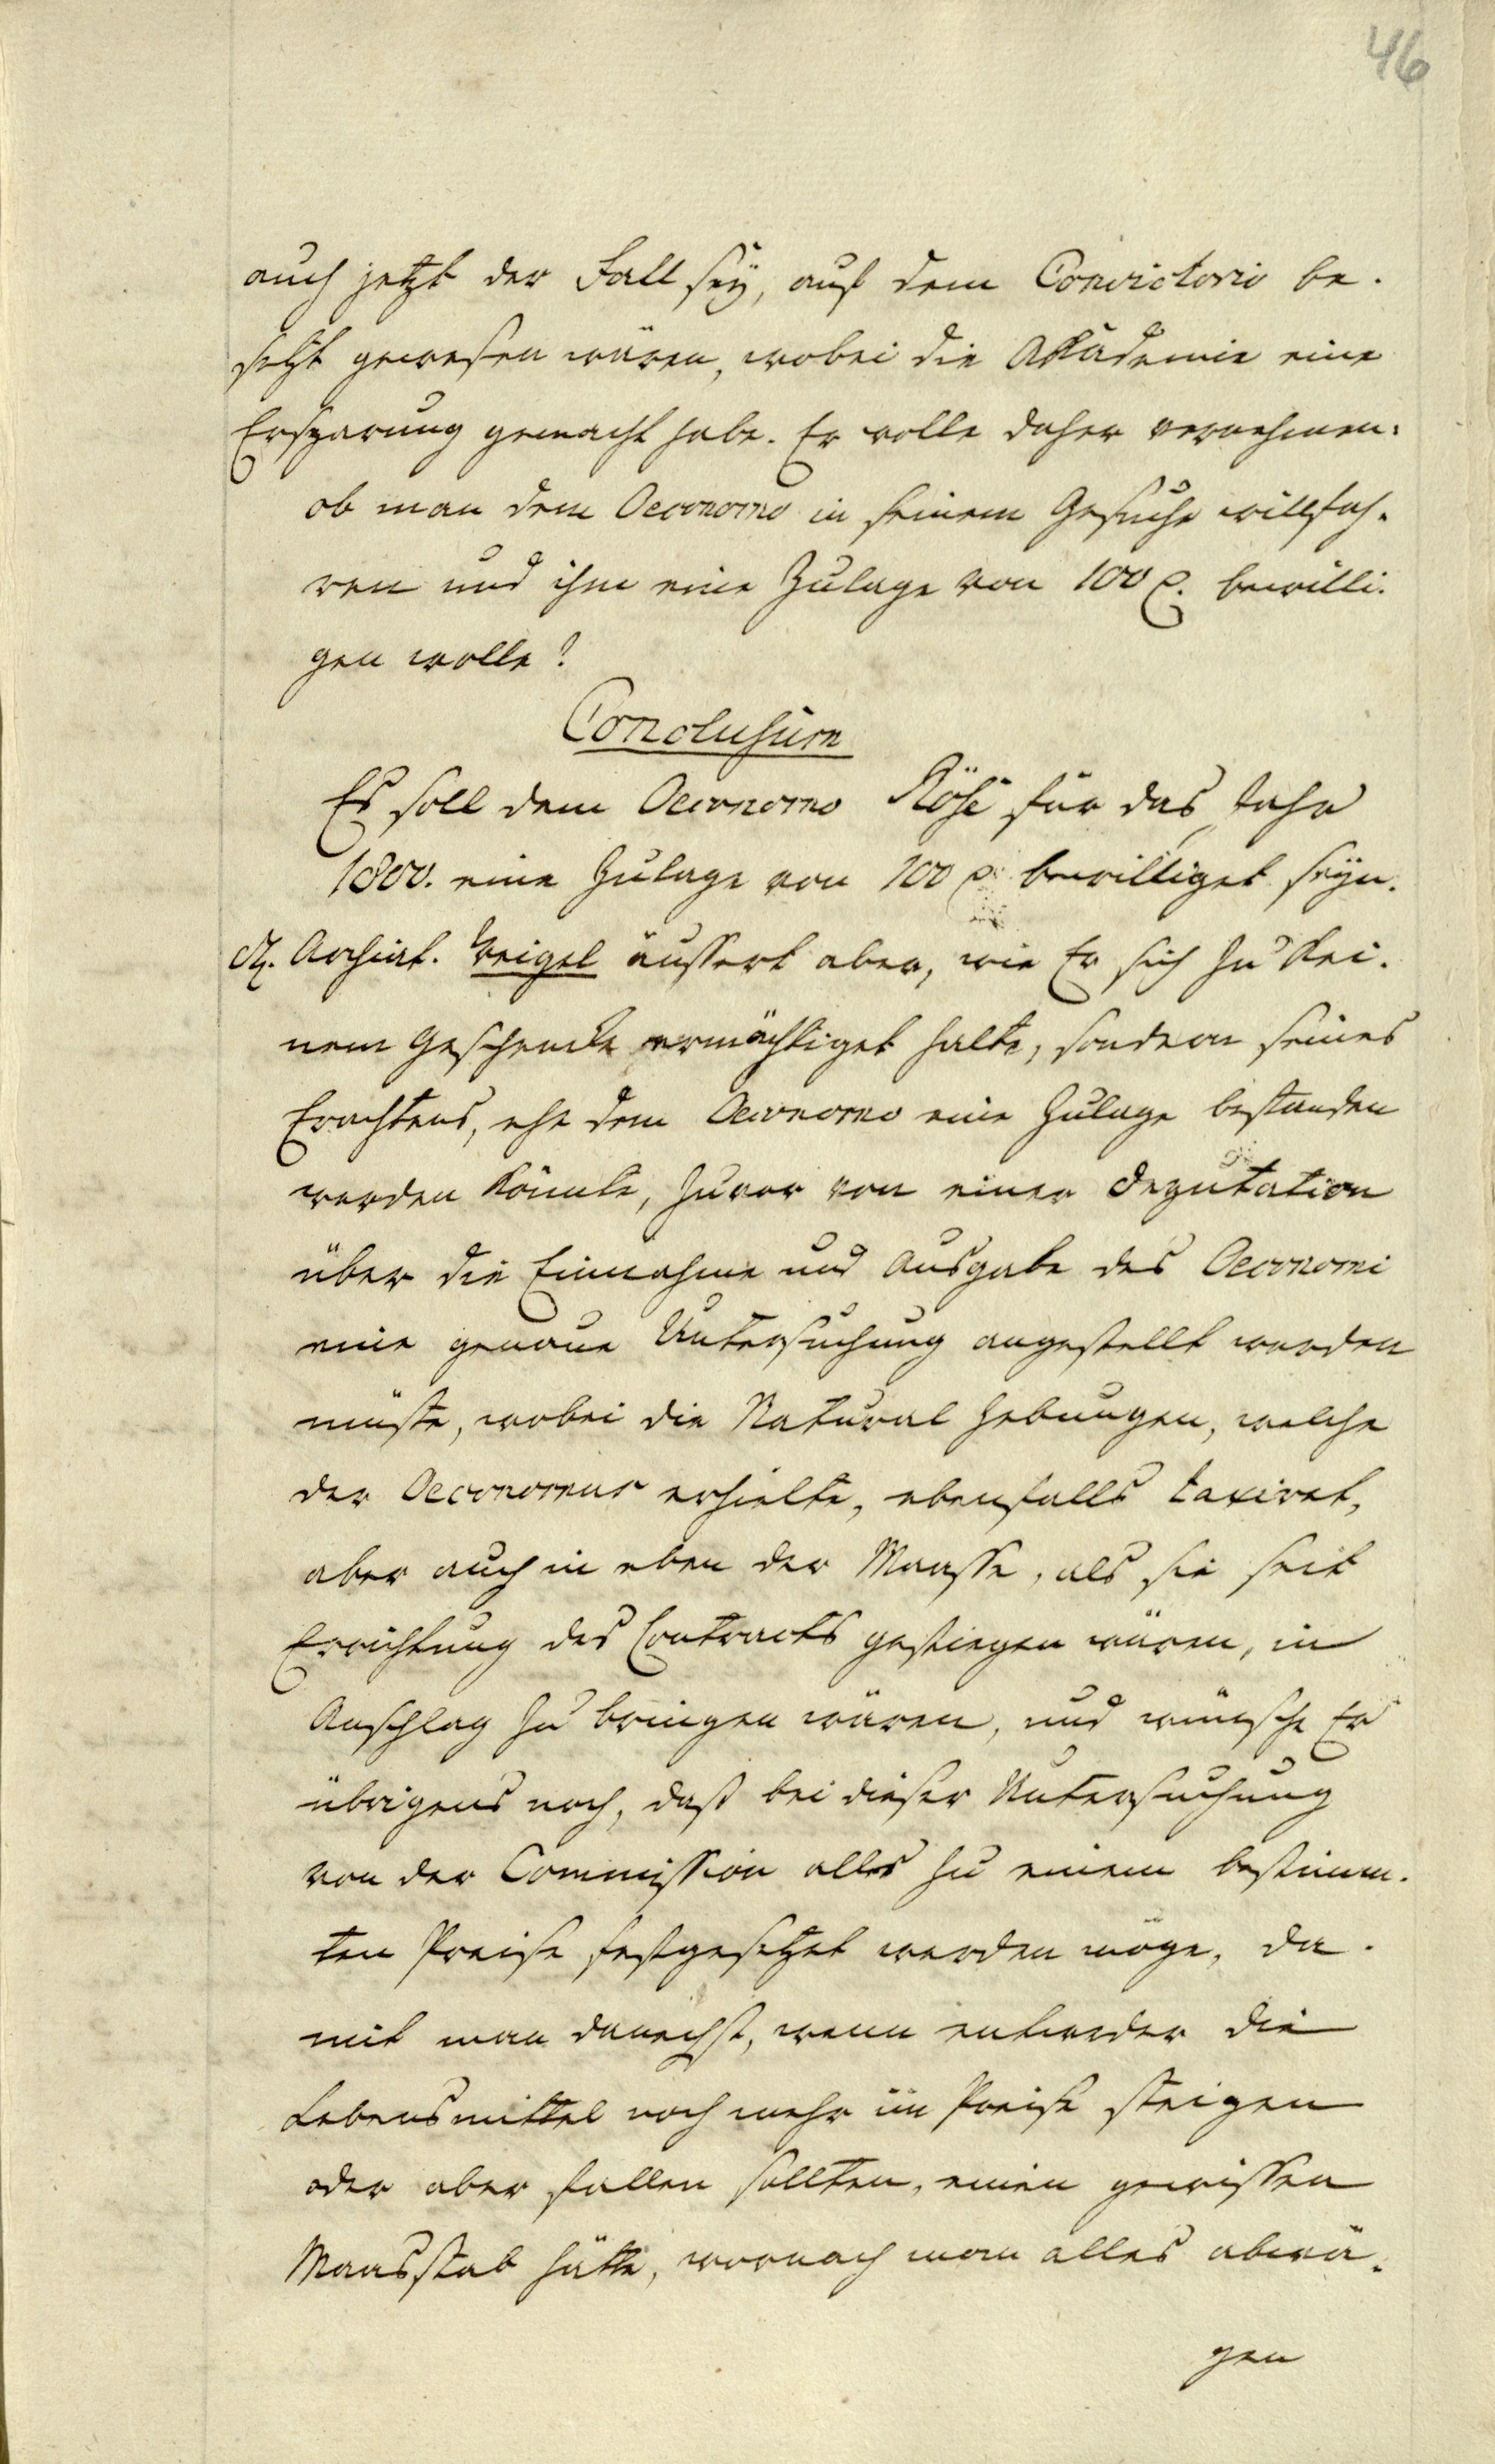auch jetzt der Fall seÿ, auf dem Convictorio be¬
setzt gewesen wären, wobei die Akademie eine
Ersparung gemacht habe. Er wolle daher vernehmen:
ob man dem Oeconomo in seinem Gesuche willfah¬
ren und ihm eine Zulage von 100 l. bewilli¬
gen wolle?
Conclusum
Es soll dem Oeconomo Röse für das Jahr
1800. eine Zulage vom 100 l. bewilliget seÿn.
dh. Archiat. Weigel äussert aber, wie Er sich zu kei¬
nem Geschencke ermächtiget halte, sondern seines
Erachtens, ehe dem Oeconomo eine Zulage bestanden
werden könnte, zuvor von einer Deputation
über die Einnahme und Ausgabe des Oeconomi
eine genaue Untersuchung angestellt werden
müste, wobei die Natural Hebungen, welche
der Oeconomus erhielte, ebenfalls taxiret,
aber auch in eben der Maasse, als sie seit
Errichtung des Contracts gestiegen wären, in
Anschlag zu bringen wären, und wünsche Er
übrigens noch, daß bei dieser Untersuchung
von der Commission alles zu einem bestimm¬
ten Preise festgesetzet werden möge, da¬
mit man danechst, wenn entweder die
Lebens mittel noch mehr im Preise steigen
oder aber fallen sollten, einen gewissen
Maasstab hätte, wornach man alles abwä¬
gen